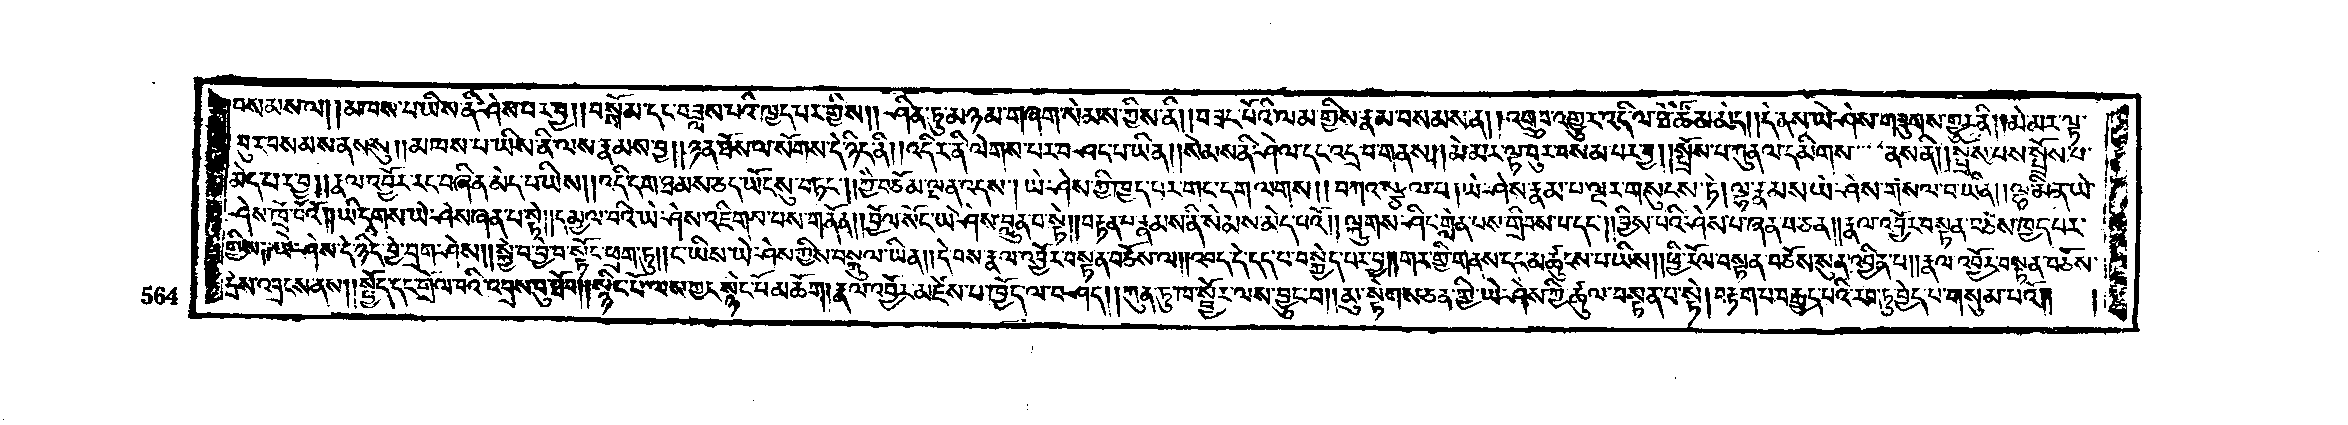བསམས་ལ། །མཁས་པ་ཡིས་ནི་ཤེས་པར་བྱ། །བསྒོམ་དང་བཟླས་པའི་ཁྱད་པར་གྱིས། །ཤིན་ཏུ་མཉམ་གཞག་སེམས་ཀྱིས་ནི། །བཟང་པོའི་ལམ་གྱིས་རྣམ་བསམས་ན། །འགྲུབ་འགྱུར་འདི་ལ་ཐེ་ཚོམ་མེད། །དེ་ནས་ཡེ་ཤེས་གཟུགས་གྱུར་ནི། །མེ་མར་ལྟ་
བུར་བསམས་ནས་སུ། །མཁས་པ་ཡིས་ནི་ལས་རྣམས་བྱ། །ཉན་ཐོས་ལ་སོགས་དེ་ཉིད་ནི། །འདིར་ནི་ལེགས་པར་བཤད་པ་ཡིན། །སེམས་ནི་ཤེལ་དང་འདྲ་བ་གནས། །མེ་མར་ལྟ་བུར་བསམ་པར་བྱ། །སྤྲོས་པ་ཀུན་ལ་དམིགས་ནས་ནི། །སྤྲོས་པས་སྤྲོས་པ་
མེད་པར་བྱ། །རྣལ་འབྱོར་རང་བཞིན་མེད་པ་ཡིས། །འདི་དག་ཐམས་ཅད་ཡོངས་སུ་བཏང་། །ཀྱི་བཅོམ་ལྡན་འདས། ཡེ་ཤེས་ཀྱི་ཁྱད་པར་གང་དག་ལགས། །བཀའ་སྩལ་པ། །ཡེ་ཤེས་རྣམ་པ་ལྔར་གསུངས་ཏེ། ལྷ་རྣམས་ཡེ་ཤེས་གསལ་བ་ཡིན། །ལྷ་མིན་ཡེ་
ཤེས་ཁྲོ་བོའོ། །ཡི་དྭགས་ཡེ་ཤེས་ཞེན་པ་སྟེ། །དམྱལ་བའི་ཡེ་ཤེས་འཇིགས་པས་གནོན། །བྱོལ་སོང་ཡེ་ཤེས་བླུན་པ་སྟེ། །བརྟན་པ་རྣམས་ནི་སེམས་མེད་པའོ། །ལྐུགས་ཤིང་གླེན་པས་གྲིབས་པ་དང་། །བྱིས་པའི་ཤེས་པ་ཞན་པ་ཅན། །རྣལ་འབྱོར་བསྟན་བཅོས་ཁྱད་པར་
གྱིས། །ཡེ་ཤེས་དེ་ཉིད་བྱེ་བྲག་ཤེས། །སྐྱེ་བ་བྱེ་བ་སྟོང་ཕྲག་ཏུ། །ང་ཡིས་ཡེ་ཤེས་ཀྱིས་བསྐུལ་ཡིན། །དེ་བས་རྣལ་འབྱོར་བསྟན་བཅོས་ལ། །འབད་དེ་དད་པ་བསྐྱེད་པར་བྱ། །གར་གྱི་གནས་དང་མཚུངས་པ་ཡིས། །ཕྱི་རོལ་བསྟན་བཅོས་སུན་འབྱིན་པ། །རྣལ་འབྱོར་བསྟན་བཅོས་
དྲེས་འབྲངས་ནས། །སྤྱོད་དང་གྲོལ་བའི་འབྲས་བུ་ཐོབ། །སྙིང་པོ་ལས་ཀྱང་སྙིང་པོ་མཆོག །རྣལ་འབྱོར་མཛེས་པ་ཁྱོད་ལ་བཤད། །ཀུན་ཏུ་ཁ་སྦྱོར་ལས་བྱུང་བ། །མུ་སྟེགས་ཅན་གྱི་ཡེ་ཤེས་ཀྱི་ཚུལ་བསྟན་པ་སྟེ། བརྟག་པ་བརྒྱད་པའི་རབ་ཏུ་བྱེད་པ་གསུམ་པའོ།། །